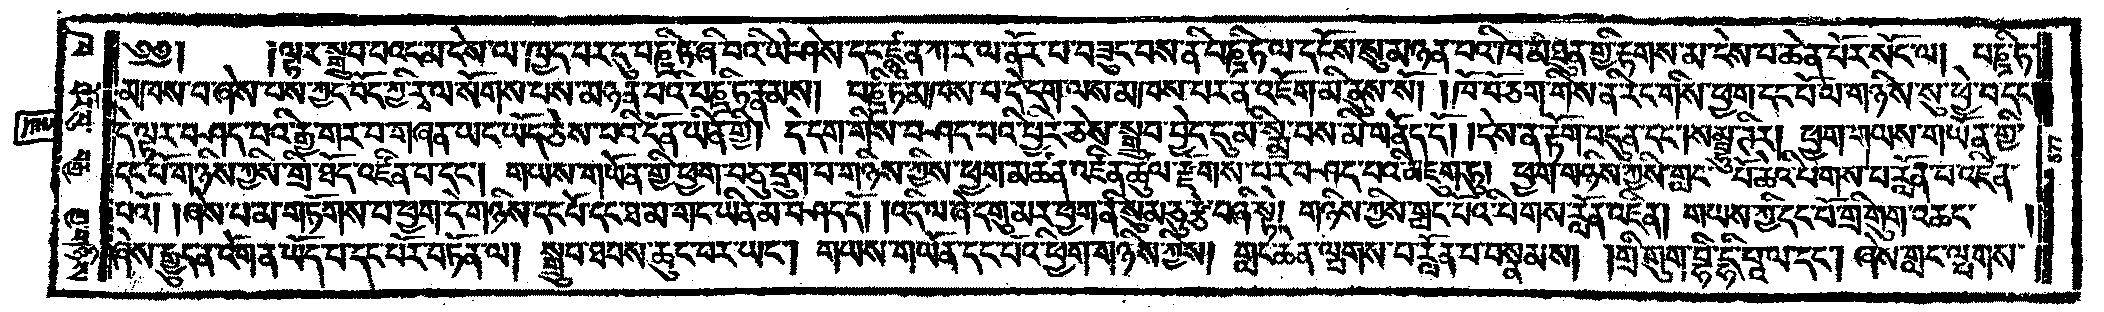༄༅། །ལྟར་སྒྲུབ་པའང་མ་ངེས་ལ་ཁྱད་པར་དུ་པཎྜི་ཏ་ཞི་བའི་ཡེ་ཤེས་དང་ཛྙའ་ན་ཀ་ར་
ལ་ནོར་པ་བཟུང་བས་ནི་པཎྜི་ཏ་ལ་དངོས་སུ་མཉན་པའི་ཁ་མཐུན་གྱི་རྟགས་མ་ངེས་པ་ཆེན་པོར་སོང་ལ། པཎྜི་ཏ་མཁས་པ་ཞེས་པས་ཀྱང་བོད་ཀྱི་རྭ་ལ་སོགས་པས་མཉན་པའི་པཎྜི་ཏ་རྣམས། པཎྜི་ཏ་མ་ངེས་པ་དེ་དག་ལས་མཁས་པར་འཇོག་མི་ནུས་སོ། །ཁོ་བོ་ཅིག་གིས་
ནི་རང་གིས་ཕྱག་དང་པོ་ལ་གཉིས་སུ་ཕྱེ་བ་དང་། དེ་ལྟར་བཤད་པའི་རྒྱ་གར་བ་གཞན་ཡང་ཡོད་ཅེས་པའི་དོན་ཡིན་གྱི། དེ་དག་གིས་བཤད་པའི་ཕྱིར་ཅེས་སྒྲུབ་བྱེད་དུ་མི་སྨྲ་བས་མི་གནོད་དོ། །དེས་ན་རྟོག་བདུན་དང་། སམྦྷུ་ཊིར། ཕྱག་གཡས་གཡོན་གྱི་དང་པོ་གཉིས་ཀྱིས་གྲི་ཐོད་
འཛིན་པ་དང་། གཡས་གཡོན་གྱི་ཕྱག་བཅུ་དྲུག་པ་གཉིས་ཀྱིས་ཕྱག་མཚན་འཛིན་ཚུལ་རྫོགས་པར་བཤད་པའི་མཇུག་ཏུ། ཕྱག་གཉིས་ཀྱིས་གླང་པོ་ཆེའི་བགས་པ་རློན་པ་འཛིན་པའོ། །ཞེས་པ་མ་གཏོགས་པ་ཕྱག་དེ་གཉིས་དང་པོ་དང་ཐ་མ་གང་ཡིན་མ་བཤད་དོ།། འདི་ལ་ཞེ་དགུ་མར་ཕྱག་ནི་སུམ་ཅུ་རྩ་བཞི་སྟེ། གཉིས་ཀྱིས་གླང་པོའི་པགས་རློན་འཛིན། གཡས་ཀྱི་དང་པོ་གྲི་གུག་འཆང་ཞེས་རྒྱུད་ན་འོག་ན་ཡོད་པ་དང་པོར་བཏོན་ལ། སྒྲུབ་ཐབས་ཆུང་བར་ཡང་། གཡས་གཡོན་དང་པོའི་ཕྱག་གཉིས་ཀྱིས། གླང་ཆེན་
ལྤགས་པ་རློན་པ་བསྣམས། །གྲི་གུག་བྷི་དྷི་པཱ་ལ་དང་། ཞེས་གླང་ལྤགས་